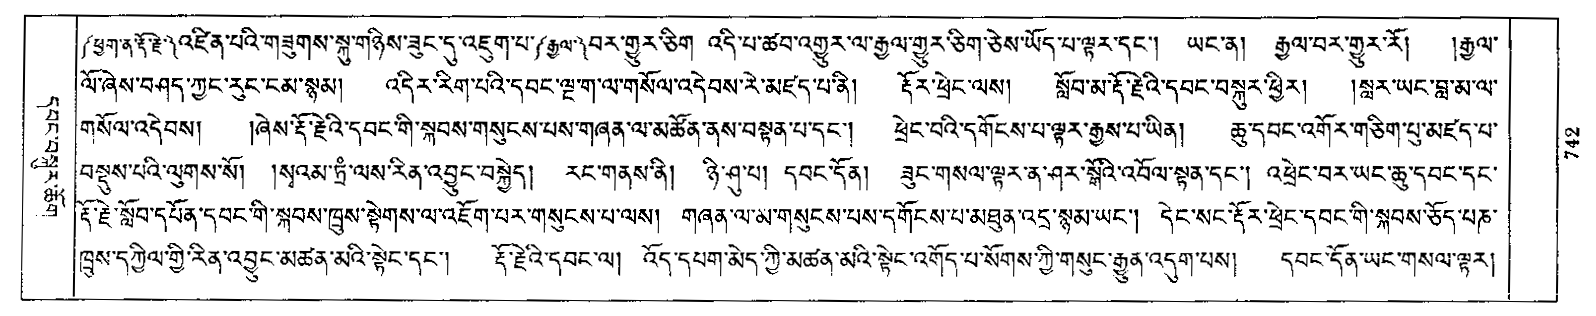༼ཕྱག་ན་རྡོ་རྗ྄ེ་འཛིན་པའི་གཟུགས་སྐུ་གཉིས་ཟུང་དུ་འཇུག་པ་༽རྒྱལ྄་བར་གྱུར་ཅིག་འདི་པ་ཚབ་འགྱུར་ལ་རྒྱལ་གྱུར་ཅིག་ཅེས་ཡོད་པ་ལྟར་དང་། ཡང་ན། རྒྱལ་བར་གྱུར་རོ། །རྒྱལ་
ལོ་ཞེས་བཤད་ཀྱང་རུང་ངམ་སྙམ། འདིར་རིག་པའི་དབང་ལྔ་ག་ལ་གསོལ་འདེབས་རེ་མཛད་པ་ནི། རྡོར་ཕྲེང་ལས། སློབ་མ་རྡོ་རྗེའི་དབང་བསྐུར་ཕྱིར། །སླར་ཡང་བླ་མ་ལ་
གསོལ་འདེབས། །ཞེས་རྡོ་རྗེའི་དབང་གི་སྐབས་གསུངས་པས་གཞན་ལ་མཚོན་ནས་བསྟན་པ་དང་། ཕྲེང་བའི་དགོངས་པ་ལྟར་རྒྱས་པ་ཡིན། ཆུ་དབང་འགྲོ་གཅིག་པུ་མཛད་པ་
བསྡུས་པའི་ལུགས་སོ། །སྭའམ་ཏྲཾ་ལས་རིན་འབྱུང་བསྐྱེད། རང་གནས་ནི། ཉི་ཤུ་པ། དབང་དོན། ཟུང་གསལ་ལྟར་ན་ཤར་སྒོའི་འབོལ་སྟན་དང་། འཕྲེང་བར་ཡང་ཆུ་དབང་དང་
རྡོ་རྗེ་སློབ་དཔོན་དབང་གི་སྐབས་ཁྲུས་སྟེགས་ལ་འཇོག་པར་གསུངས་པ་ལས། གཞན་ལ་མ་གསུངས་པས་དགོངས་པ་མཐུན་འདྲ་སྙམ་ཡང་། དེང་སང་རྡོར་ཕྲེང་དབང་གི་སྐབས་ཅོད་པཎ་
ཁྲུས་དཀྱིལ་གྱི་རིན་འབྱུང་མཚན་མའི་སྟེང་དང་། རྡོ་རྗེའི་དབང་ལ། འོད་དཔག་མེད་ཀྱི་མཚན་མའི་སྟེང་འགོད་པ་སོགས་ཀྱི་གསུང་རྒྱུན་འདུག་པས། དབང་དོན་ཡང་གསལ་ལྟར།